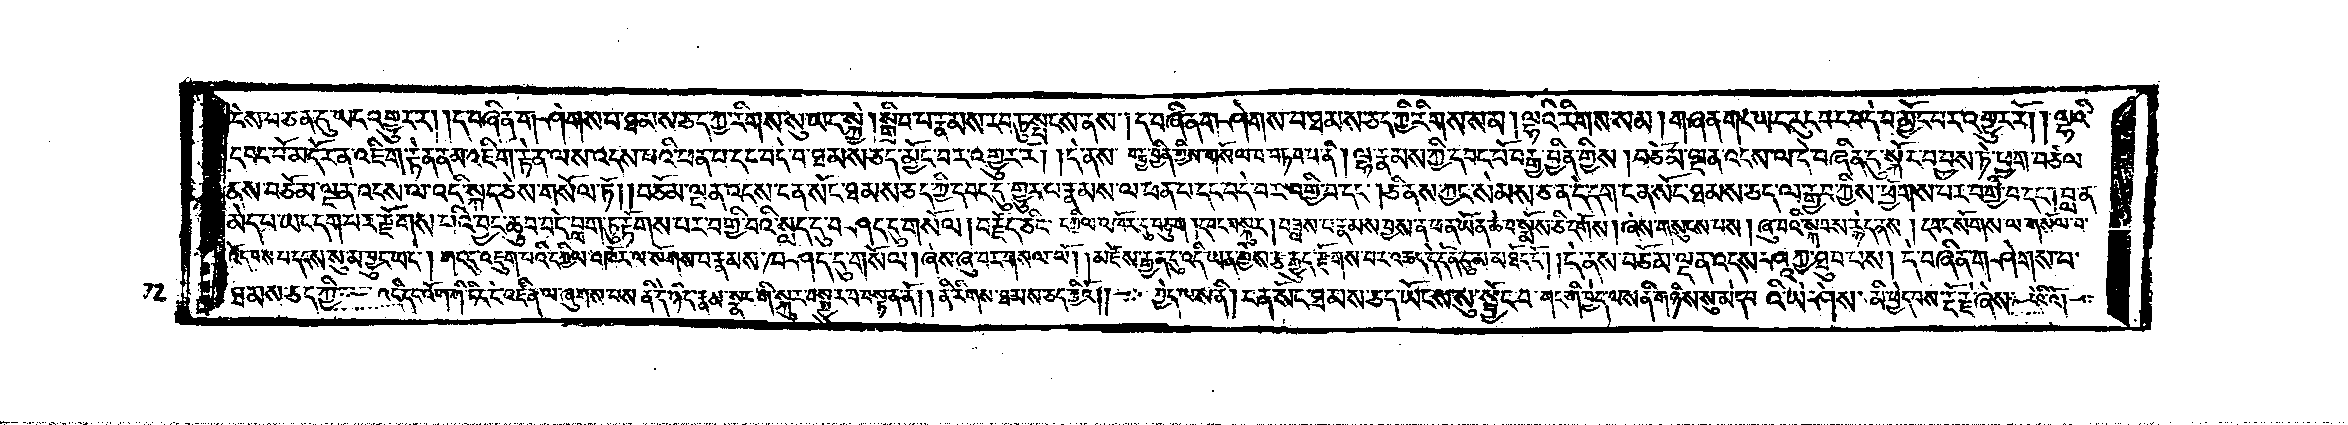ངེས་པ་ཅན་དུ་ཡང་འགྱུར་རོ། །དེ་བཞིན་གཤེགས་པ་ཐམས་ཅད་ཀྱི་རིགས་སུ་ཡང་སྐྱེ། སྒྲིབ་པ་རྣམས་རབ་ཏུ་སྤངས་ནས། དེ་བཞིན་གཤེགས་པ་ཐམས་ཅད་ཀྱི་རིགས་སམ། ལྷའི་རིགས་སམ། གཞན་གང་ཡང་རུང་བར་བདེ་བ་མྱོང་བར་འགྱུར་རོ། །ལྷའི་
དབང་པོ་མདོར་ན་འཇིག་རྟེན་ནམ་འཇིག་རྟེན་ལས་འདས་པའི་ཕན་པ་དང་བདེ་བ་ཐམས་ཅད་མྱོང་བར་འགྱུར་རོ། །དེ་ནས་བརྒྱ་བྱིན་གྱིས་གསོལ་བ་བཏབ་པ་ནི།  ལྷ་རྣམས་ཀྱི་དབང་པོ་བརྒྱ་བྱིན་གྱིས། བཅོམ་ལྡན་འདས་ལ་དེ་བཞིན་དུ་སྐོར་བ་བྱས་ཏེ་ཕྱག་བཙལ་
ནས་བཅོམ་ལྡན་འདས་ལ་འདི་སྐད་ཅེས་གསོལ་ཏོ། །བཅོམ་ལྡན་འདས་ངན་སོང་ཐམས་ཅད་ཀྱི་དབང་དུ་གྱུར་པ་རྣམས་ལ་ཕན་པ་དང་བདེ་བར་བགྱི་བ་དང་། ཅི་ནས་ཀྱང་སེམས་ཅན་དེ་དག་ངན་སེང་ཐམས་ཅད་ལ་རྒྱབ་ཀྱིས་ཕྱོགས་པར་བགྱི་བ་དང་། བླ་ན་
མེད་པ་ཡང་དག་པར་རྫོགས་པའི་བྱང་ཆུབ་བདེ་བླག་ཏུ་རྟོགས་པར་བགྱི་བའི་སླད་དུ་བཤད་དུ་གསོལ། བརྗོད་ཅིང་དཀྱིལ་འཁོར་དུ་གཅུག །དབང་བསྐུར། བཟླས་པ་རྣམས་བྱས་ན་ཕན་ཡོན་ཆེ་བ་སྨོས་ཅི་དགོས། ཞེས་གསུངས་པས། ཞུ་བའི་སྐབས་རྙེད་ནས། དབང་སོགས་ལ་གསོལ་བ་
འདེབས་པ་དངོས་སུ་མ་བྱུང་ཡང་། གང་དུ་འཇུག་པའི་དཀྱིལ་འཁོར་ལ་སོགས་པ་རྣམས་བཤད་དུ་གསོལ། ཞེས་ཞུ་བར་གསལ་ལོ། །མཛེས་རྒྱན་དུ་འདི་ཡན་གྱི་རྩ་རྒྱུད་རྫོགས་པར་འཆད་དེ་དོན་དུ་མ་མཐོང་ངོ།  །དེ་ནས་བཅོམ་ལྡན་འདས་ཤཱཀྱ་ཐུབ་པས། དེ་བཞིན་གཤེགས་པ་
ཐམས་ཅད་ཀྱི་འདི་དང་འོག་གི་ཏིང་ངེ་འཛིན་ལ་ཞུགས་པས་ན་དེ་ཉིད་རྣམ་སྣང་གི་སྐུར་བསྒྱུར་བ་བསྟན་ནོ། །ནི་རིགས་ཐམས་ཅད་ཀྱིའོ།། .H བྱེད་ལས་ནི། ངན་སོང་ཐམས་ཅད་ཡོངས་སུ་སྦྱོང་བ་གང་གི་བྱེད་ལས་ནི་གཉིས་སུ་མེད་པའི་ཡེ་ཤེས་མི་ཕྱེད་པས་རྡོ་རྗེ་ཞེས་H.་དེའི་འོ།  .H